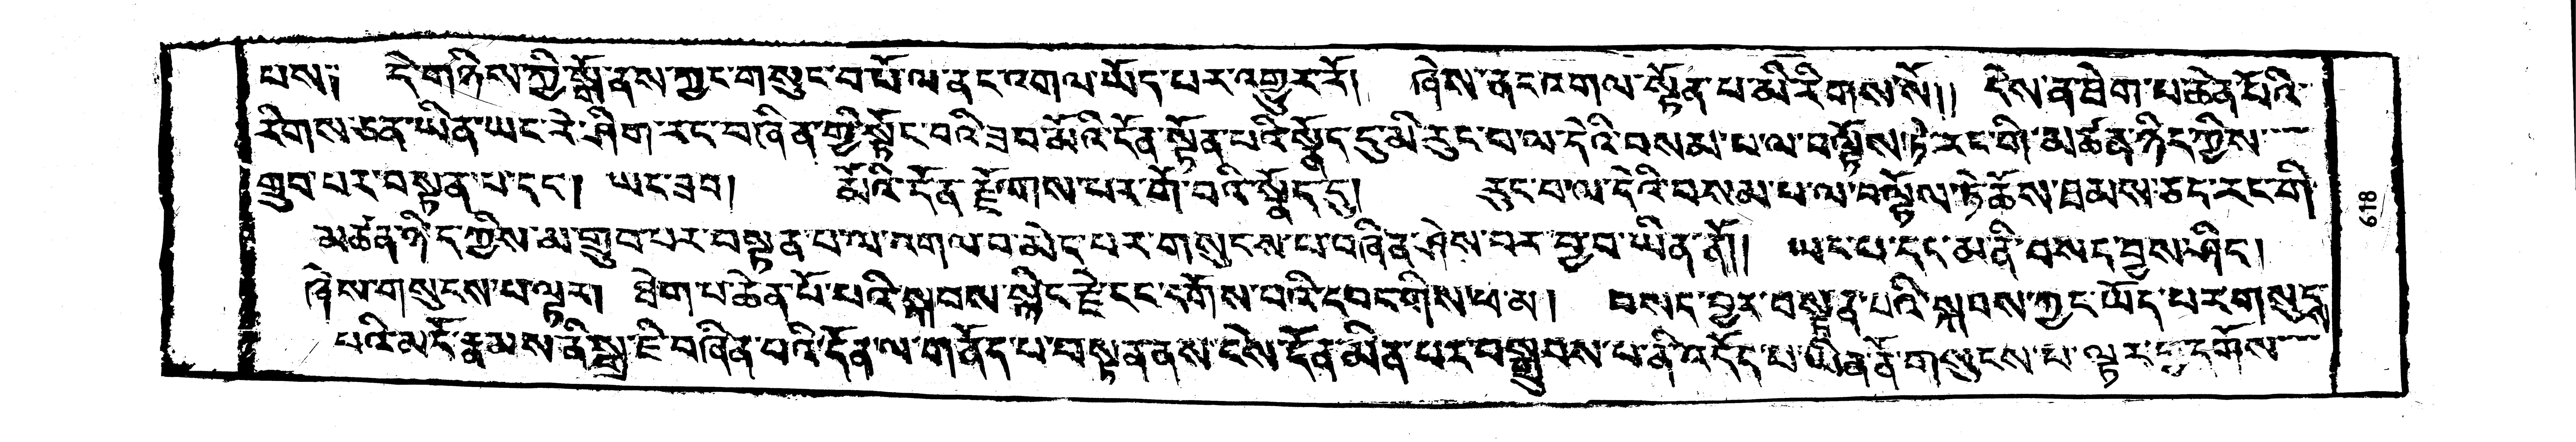པས། དེ་གཉིས་ཀྱི་སྒོ་ནས་ཀྱང་གསུང་བ་པོ་ལ་ནང་འགལ་ཡོད་པར་འགྱུར་རོ།། ཞེས་ནང་འགལ་སྟོན་པ་མི་རིགས་སོ།། དེས་ན་ཐེག་པ་ཆེན་པོའི་
རིགས་ཅན་ཡིན་ཡང་རེ་ཤིག་རང་བཞིན་གྱི་སྟོང་བའི་ཟབ་མོའི་དོན་སྟོན་པའི་སྣོད་དུ་མི་རུང་བ་ལ་དེའི་བསམ་པ་ལ་བལྟོས་ཏེ་རང་གི་མཚན་ཉིད་ཀྱིས་
གྲུབ་པར་བསྟན་པ་དང་། ཡང་ཟབ། མོའི་དོན་རྫོགས་པར་གོ་བའི་སྣོད་དུ། རུང་བ་ལ་དེའི་བསམ་པ་ལ་བལྟོས་ཏེ་ཆོས་ཐམས་ཅད་རང་གི་
མཚན་ཉིད་ཀྱིས་མ་གྲུབ་པར་བསྟན་པ་ལ་འགལ་བ་མེད་པར་གསུངས་པ་བཞིན་ཤེས་པར་བྱ་བ་ཡིན་ནོ།། ཡང་པ་དང་མ་ནི་བསད་བྱས་ཤིང་།
ཞེས་གསུངས་པ་ལྟར། ཐེག་པ་ཆེན་པོ་པའི་སྐབས་སྙིང་རྗེ་དང་དགོས་པའི་དབང་གིས་ཕ་མ། བསད་བྱར་བསྟན་པའི་སྐབས་ཀྱང་ཡོད་པར་གསུངས་
པའི་མདོ་རྣམས་ནི་སྒྲ་ཇི་བཞིན་པའི་དོན་ལ་གནོད་པ་བསྟན་ནས་ངེས་དོན་མིན་པར་བསྒྲུབས་པ་ནི་འདོད་པ་ཡིན་ནོ་གསུངས་པ་ལྟར་བྱ་དགོས་